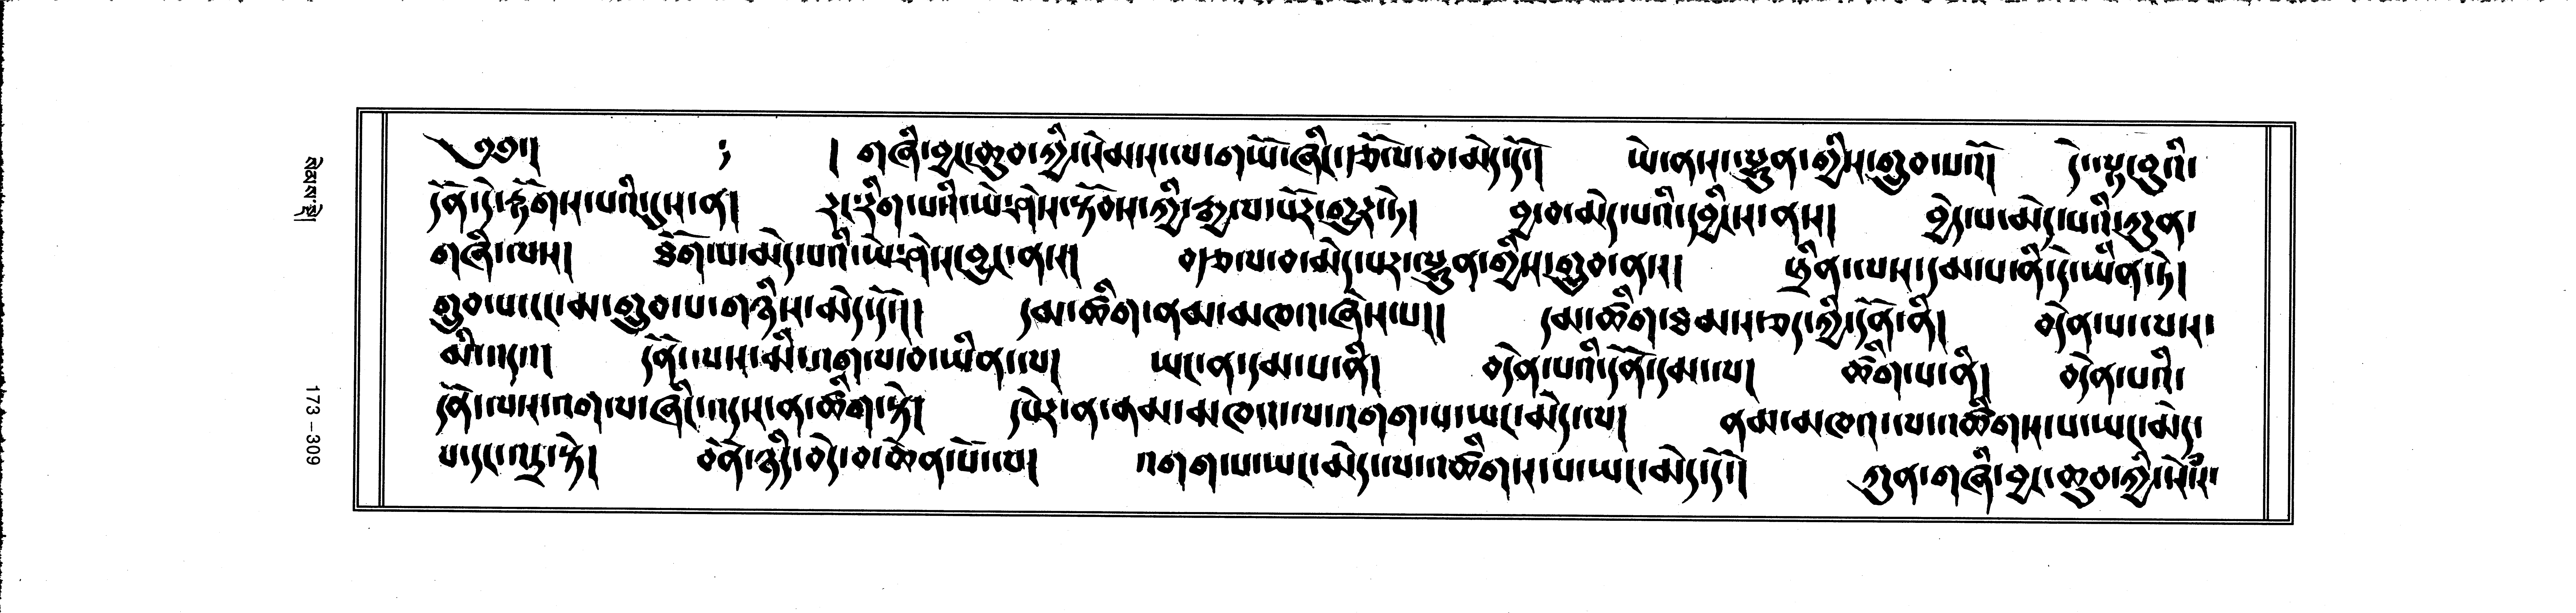གཞི་བྱང་ཆུབ་ཀྱི་སེམས་ལ་གཡོ་ཞིང་རྩོལ་བ་མེད་དོ། །ཡེ་ནས་ལྷུན་གྱིས་གྲུབ་པའོ། །དེ་ལྟ་བུའི་
དོན་དེ་རྟོགས་པའི་དུས་ན། རང་རིག་པའི་ཡེ་ཤེས་སྟོབས་ཀྱི་རྒྱལ་པོར་གྱུར་ཏེ། བྱ་བ་མེད་པའི་དབྱིངས་ནས། བྱེད་པ་མེད་པའི་ཀུན་
གཞི་ལས། ཐོགས་པ་མེད་པའི་ཡེ་ཤེས་བྱུང་ནས། བརྩལ་བ་མེད་པར་ལྷུན་གྱིས་གྲུབ་ནས། ཕྲིན་ལས་དམ་པ་ནི་དེ་ཡིན་ཏེ། 
གྲུབ་པ་དང་མ་གྲུབ་པ་གཉིས་མེད་དོ། །དམ་ཚིག་ནམ་མཁའ་ཞེས་པ། དམ་ཚིག་ཐམས་ཅད་ཀྱི་དོན་ནི། བདེན་པ་ལས་
མི་འདའ། དོན་ལས་མི་འགལ་བ་ཡིན་ལ། ཡང་ན་དམ་པ་ནི། བདེན་པའི་དོན་དམ་ལ། ཚིག་པ་ནི། བདེན་པའི་
དོན་ལ་འགལ་ཞིང་འདས་ན་ཚིག་སྟེ། དཔེར་ན་ནམ་མཁའ་ཡང་འགག་པ་ཡང་མེད་ལ། ནམ་མཁའ་ལ་འཚིག་པ་ཡང་མེད་
པ་དང་འདྲ་སྟེ། བོན་ཉིད་བདེ་བ་ཆེན་པོ་ལ། འགག་པ་ཡང་མེད་ལ་འཚིགས་པ་ཡང་མེད་དོ། །ཀུན་གཞི་བྱང་ཆུབ་ཀྱི་སེམས་